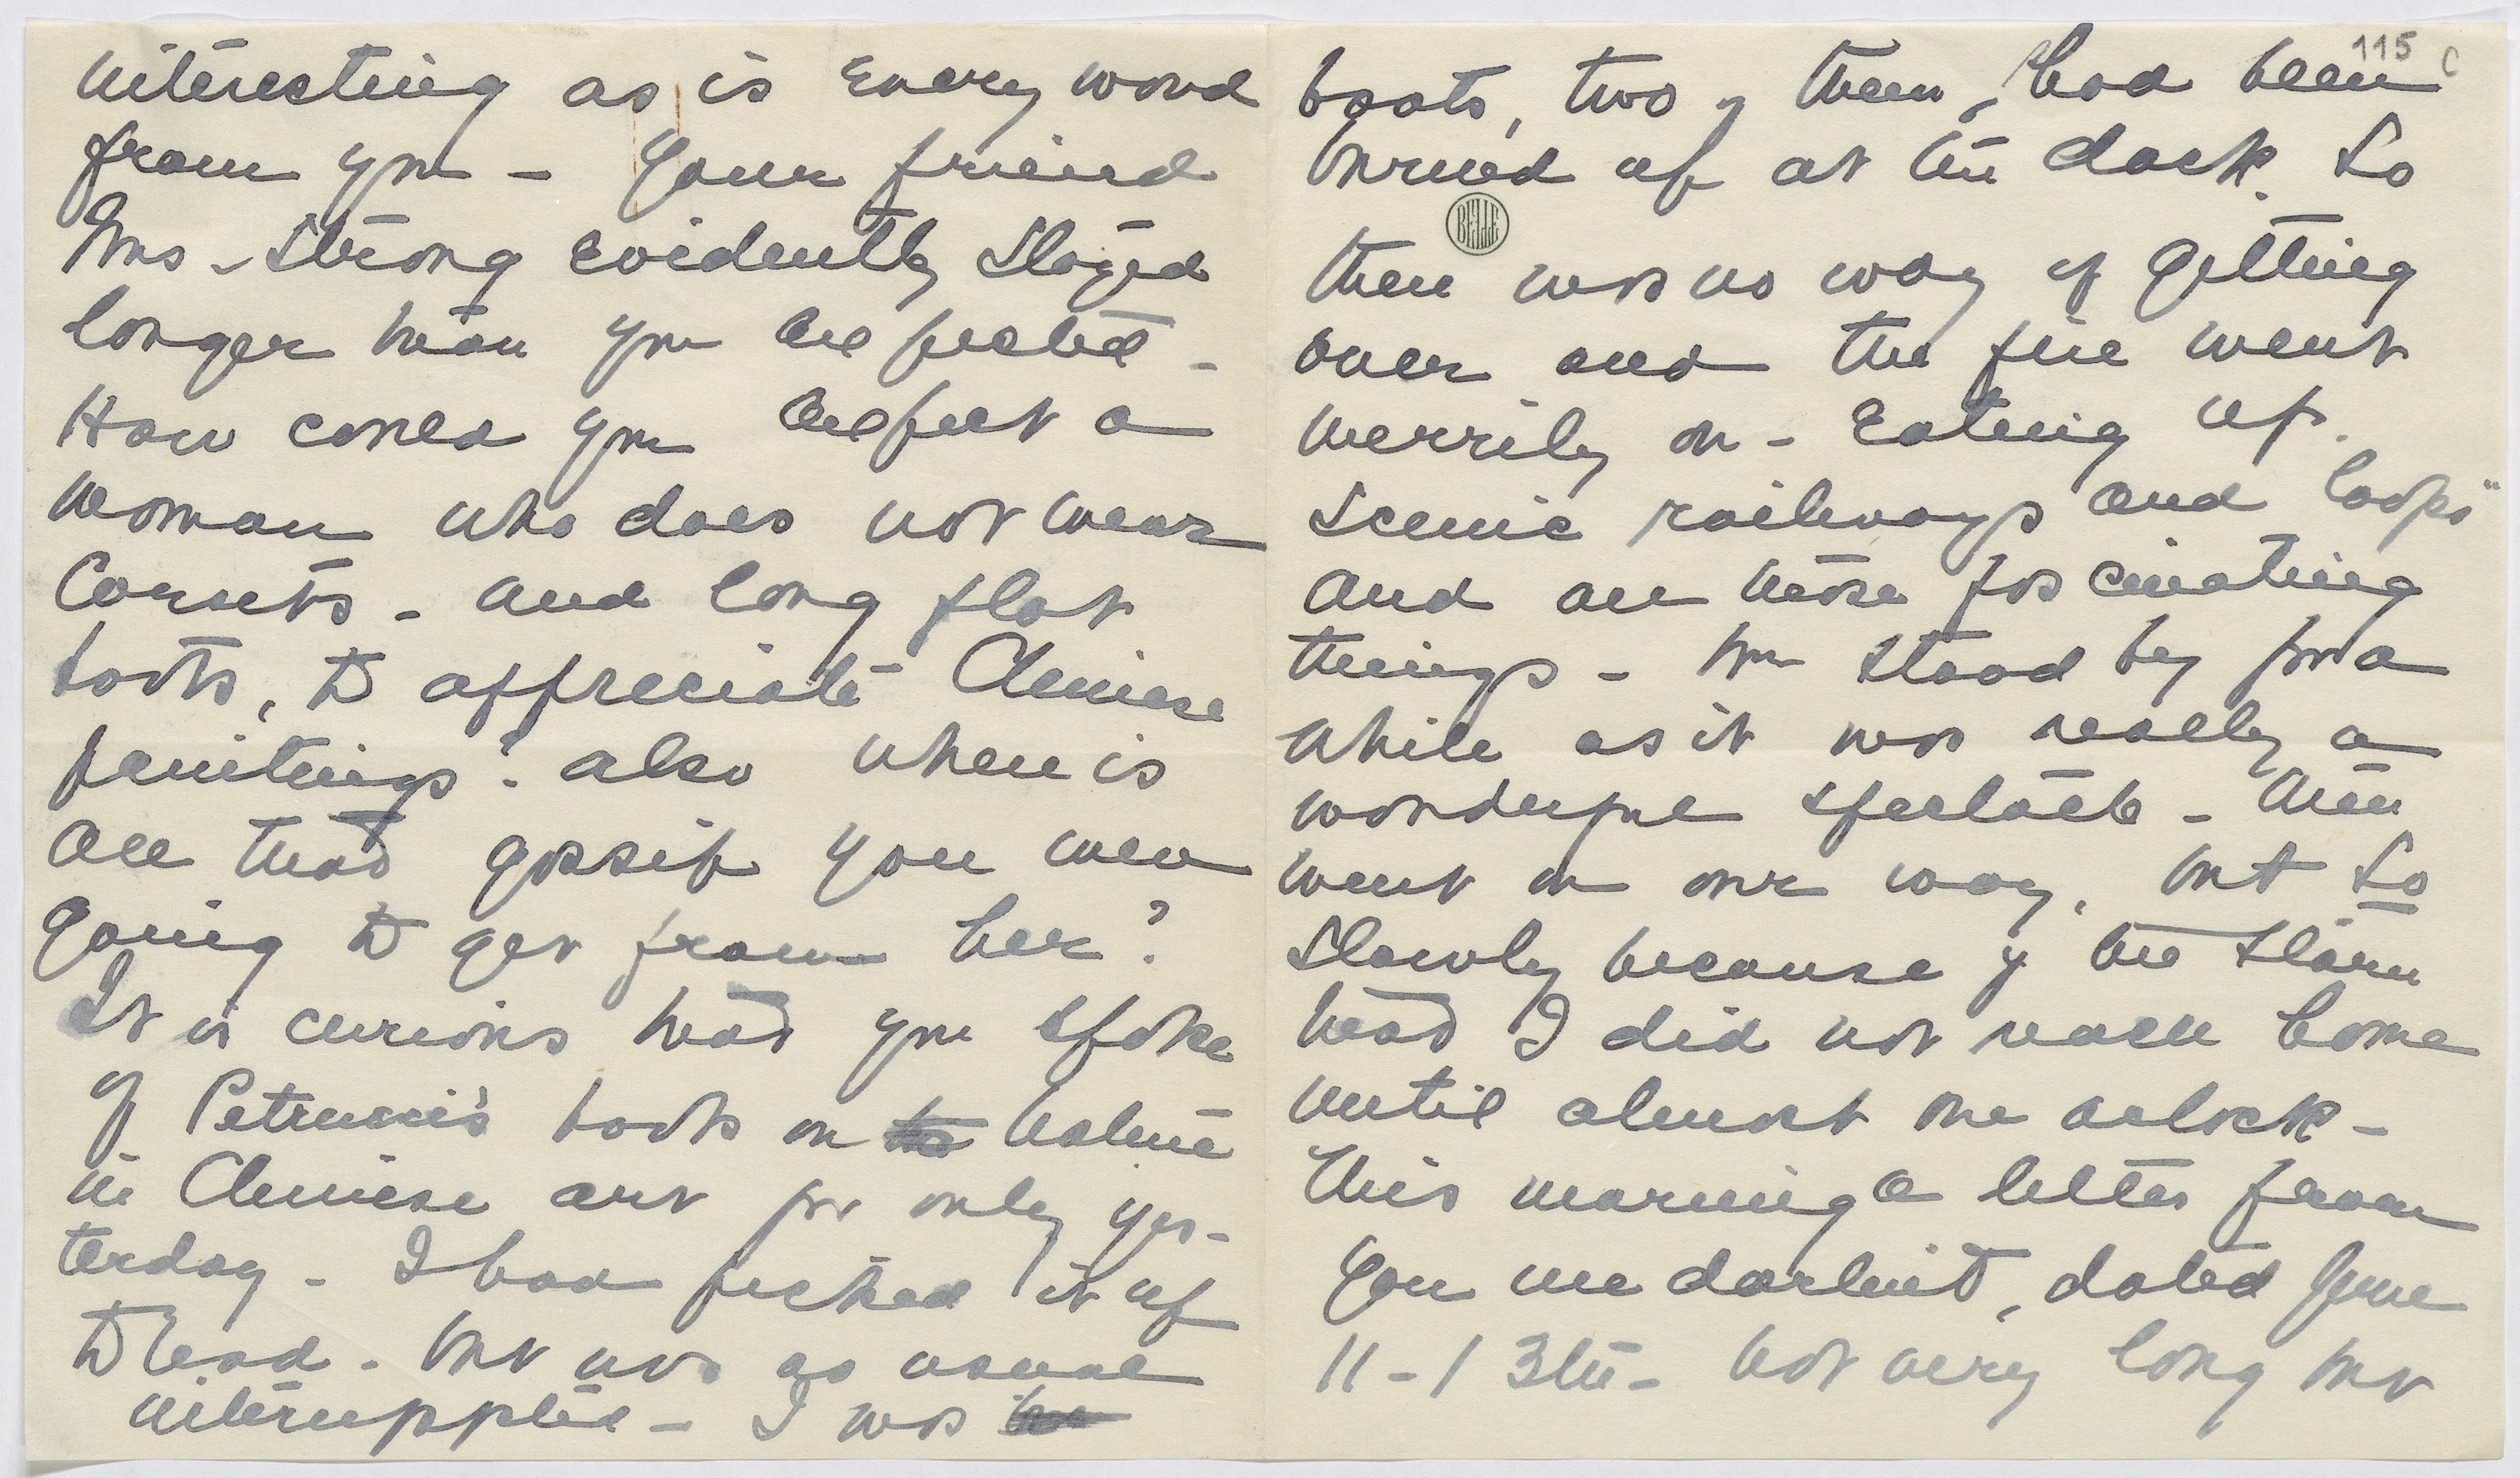boats, two of them, had been burned up at the dock so there was no way of getting over and the fire went merrily on – eating up scenic railways and “loops” and all those fascinating things – we stood by for a while as it was really a wonderful spectacle – then went on our way, but so slowly because of the storm that I did not reach home until almost one oclock [sic] – This morning a letter from you me darlint, dated June 11-13th – not very long but
interesting as is every word from you – Your friend Mrs. Strong evidently stayed longer than you expected – How could you expect a woman who does not wear corsets – and long flat boots, to appreciate Chinese paintings – also where is all that gossip you were going to get from her? It is curious that you spoke of Petrucci’s book on the nature in Chinese art for only yesterday – I had picked it up to read – but was as usual interruppted [sic] – I was tre